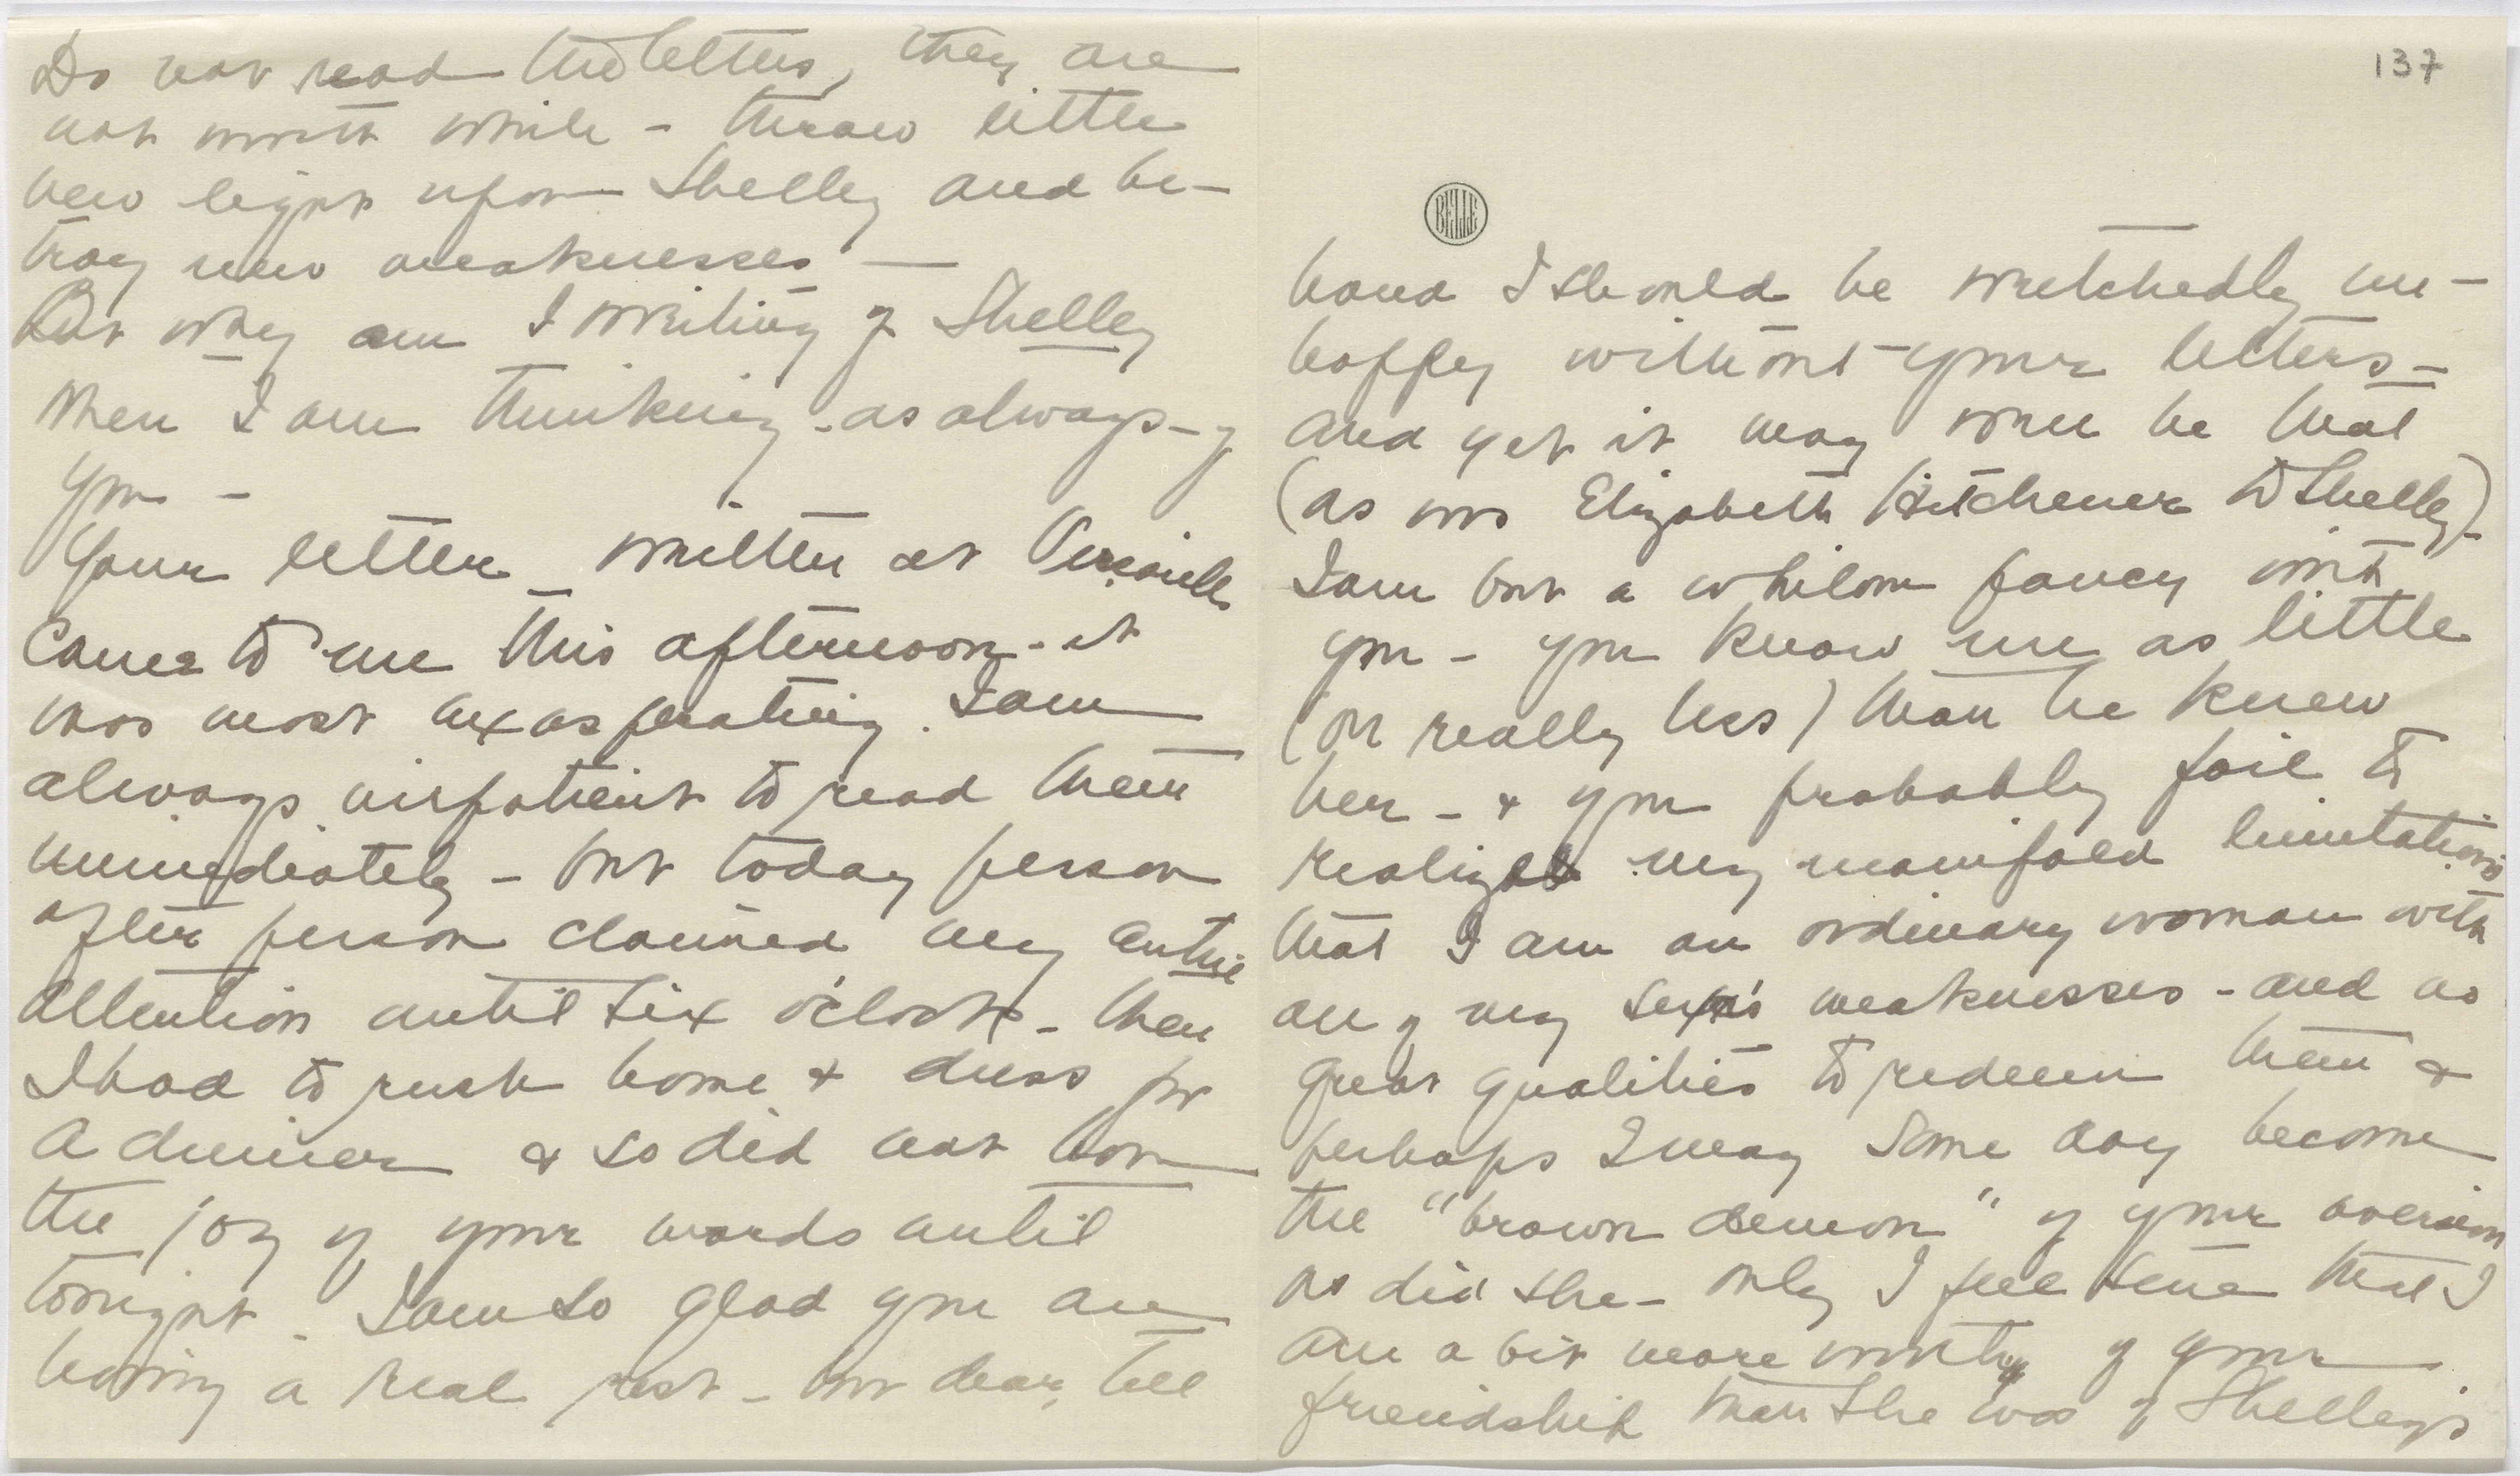hand I should be wretchedly unhappy without your letters – and yet it may well be that (as was Elizabeth Hitchener to Shelley), I am but a whilom fancy with you – you know me as little (or really less) than he knew her – & you probably fail to realize my manifold limitations that I am an ordinary woman with all of my sex’s weaknesses – and no great qualities to redeem them & perhaps I may some day become the “brown demon” of your aversion as did she – only I feel sure that I am a bit more worthy of your friendship than she was of Shelley’s
Do not read the letters they are not worth while – throw little new light upon Shelley and betray new weaknesses –
But why am I writing of Shelley when I am thinking – as always – of you –
Your letter written at Versaiells [sic] came to me this afternoon – it was most exasperating. I am always impatient to read them immediately – but today person after person claimed my entire attention until six o’clock – then I had to rush home & dress for a dinner & so did not have the joy of your words until tonight – I am so glad you are having a real rest – but dear tell